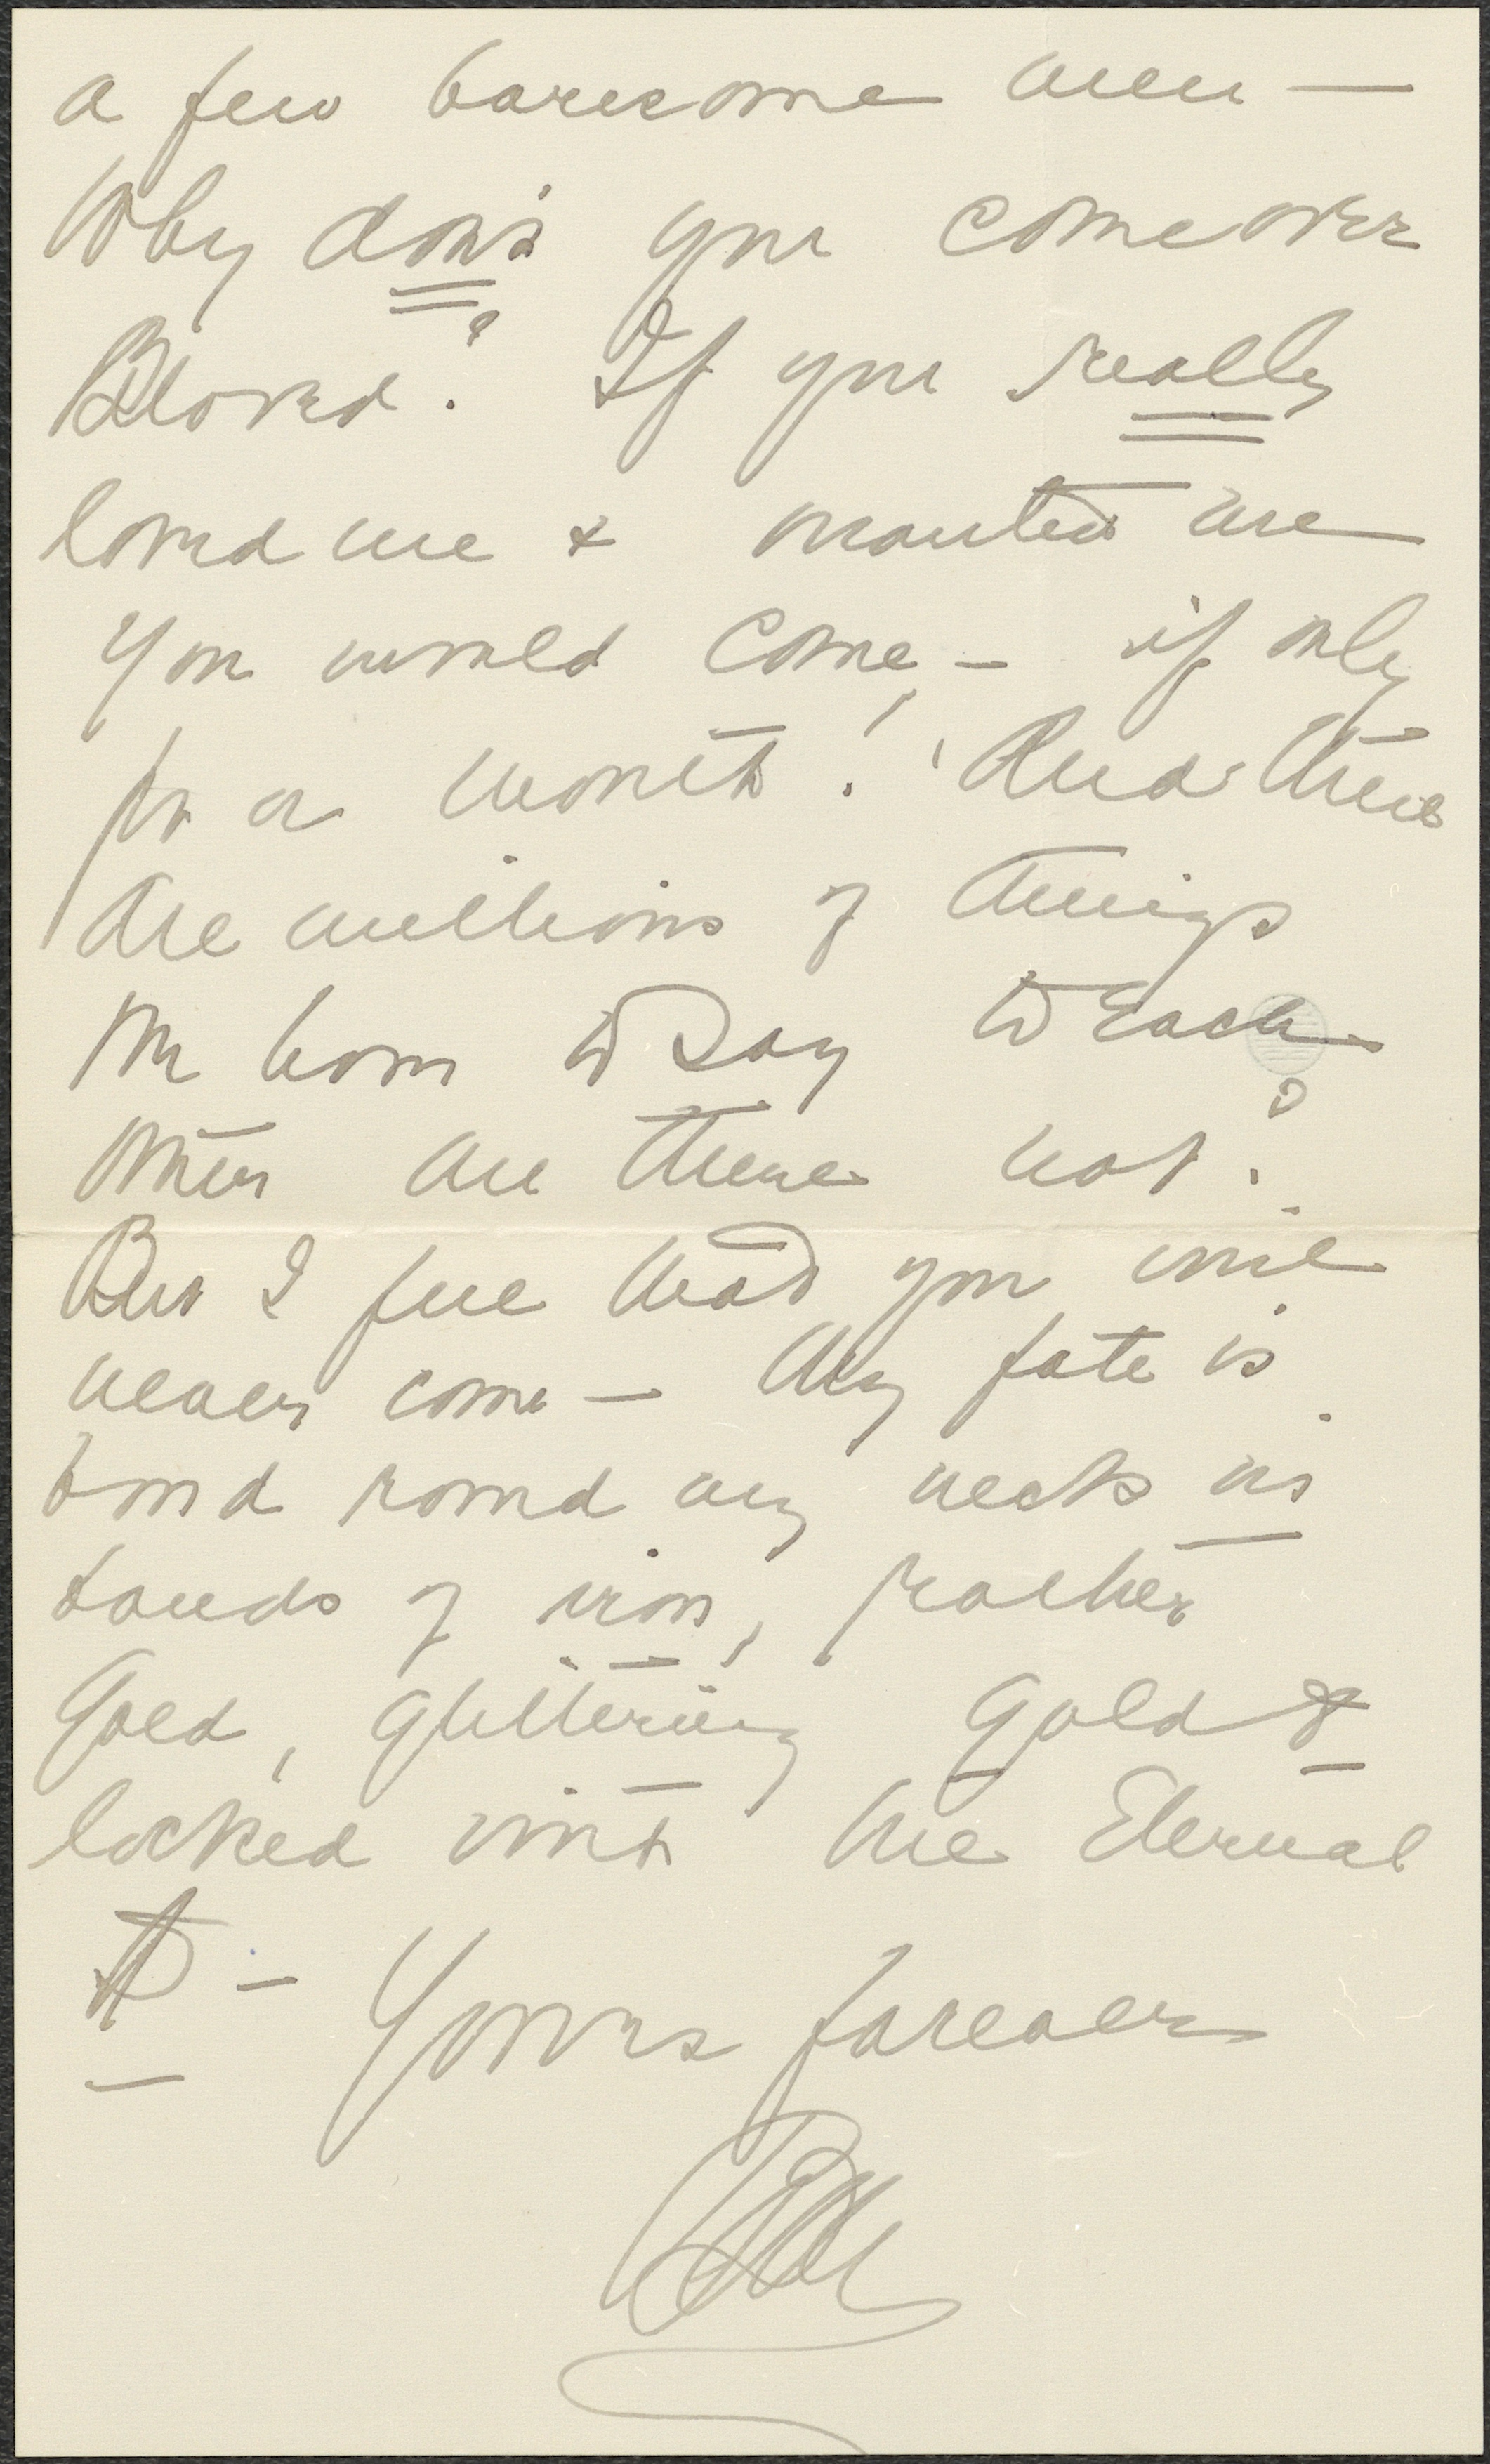a few boresome men – Why [double underlined: don’t] you come over Beloved? If you [double underlined: really] loved me & wanted me you would come – if only for a month! And there are millions of things we have to say to each other are there not? But I feel that you will never come – My fate is bound round my neck in bands of iron, rather gold, glittering gold & locked with the eternal $ – Yours forever
Belle